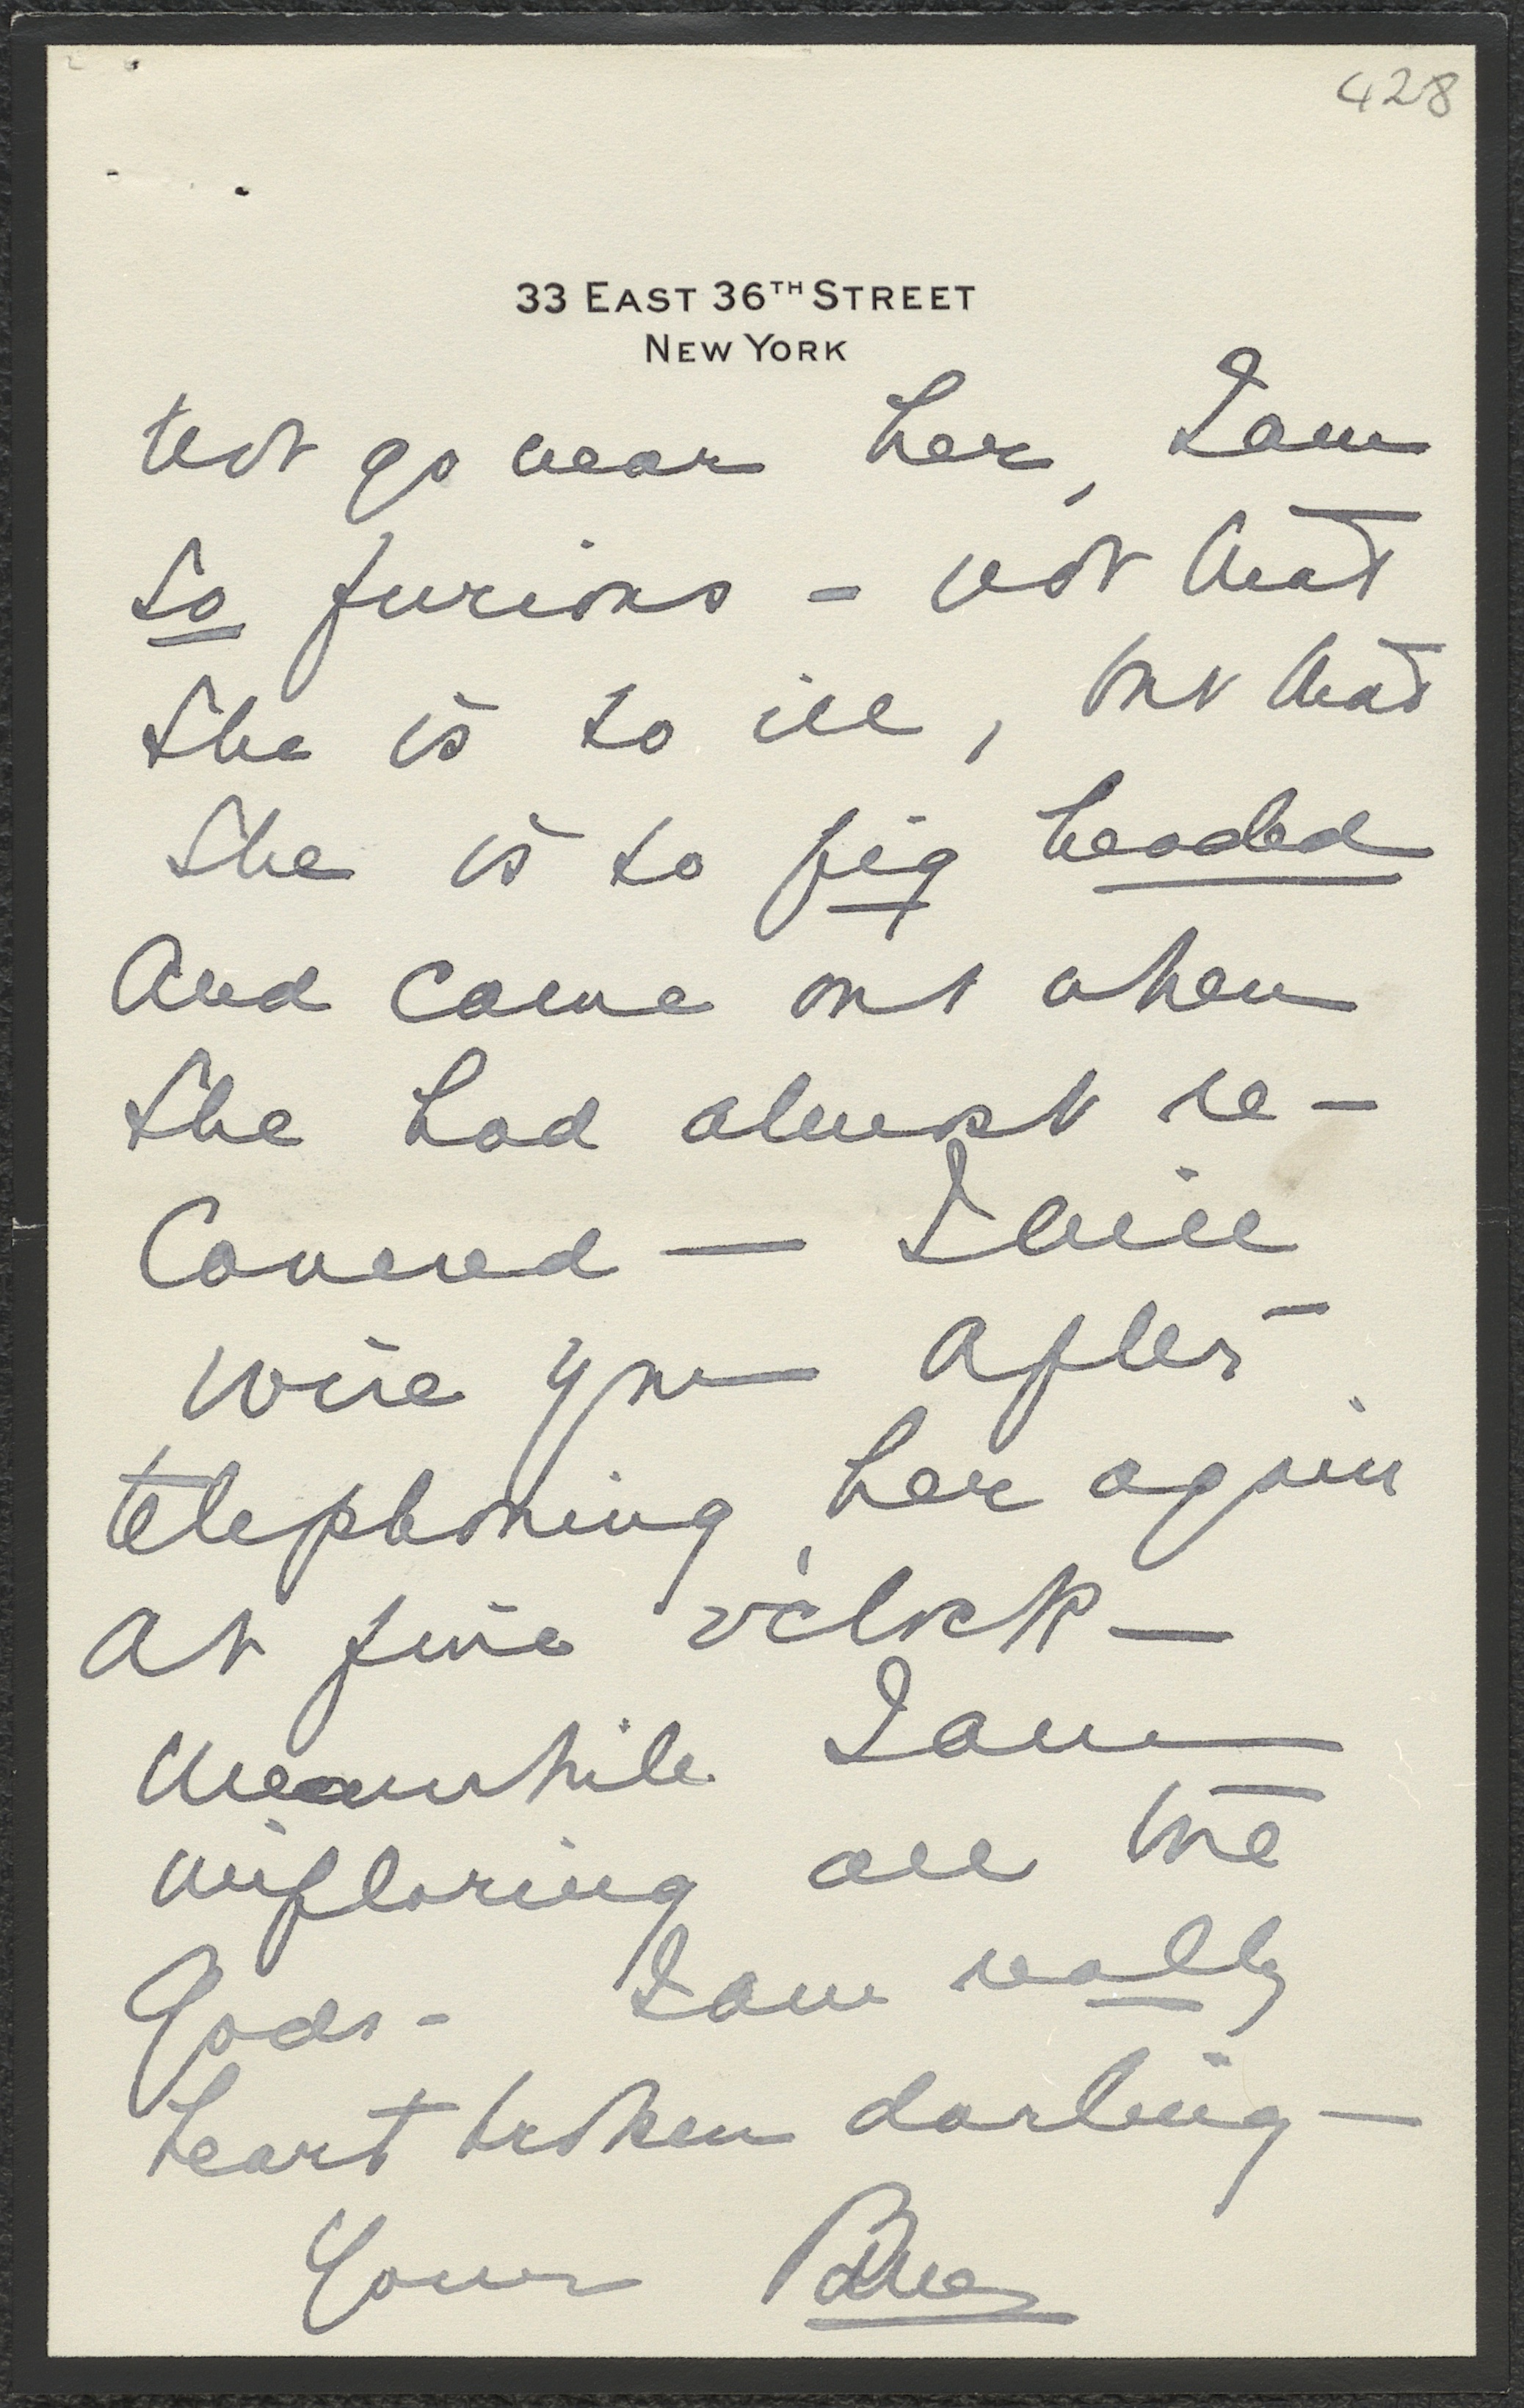to not go near her, I am so furious – not that she is so ill, but that she is so pig headed and came out when she had almost recovered – I will wire you after telephoning her again at five o’clock – meanwhile I am imploring all the Gods – I am really heartbroken darling –
Your Belle